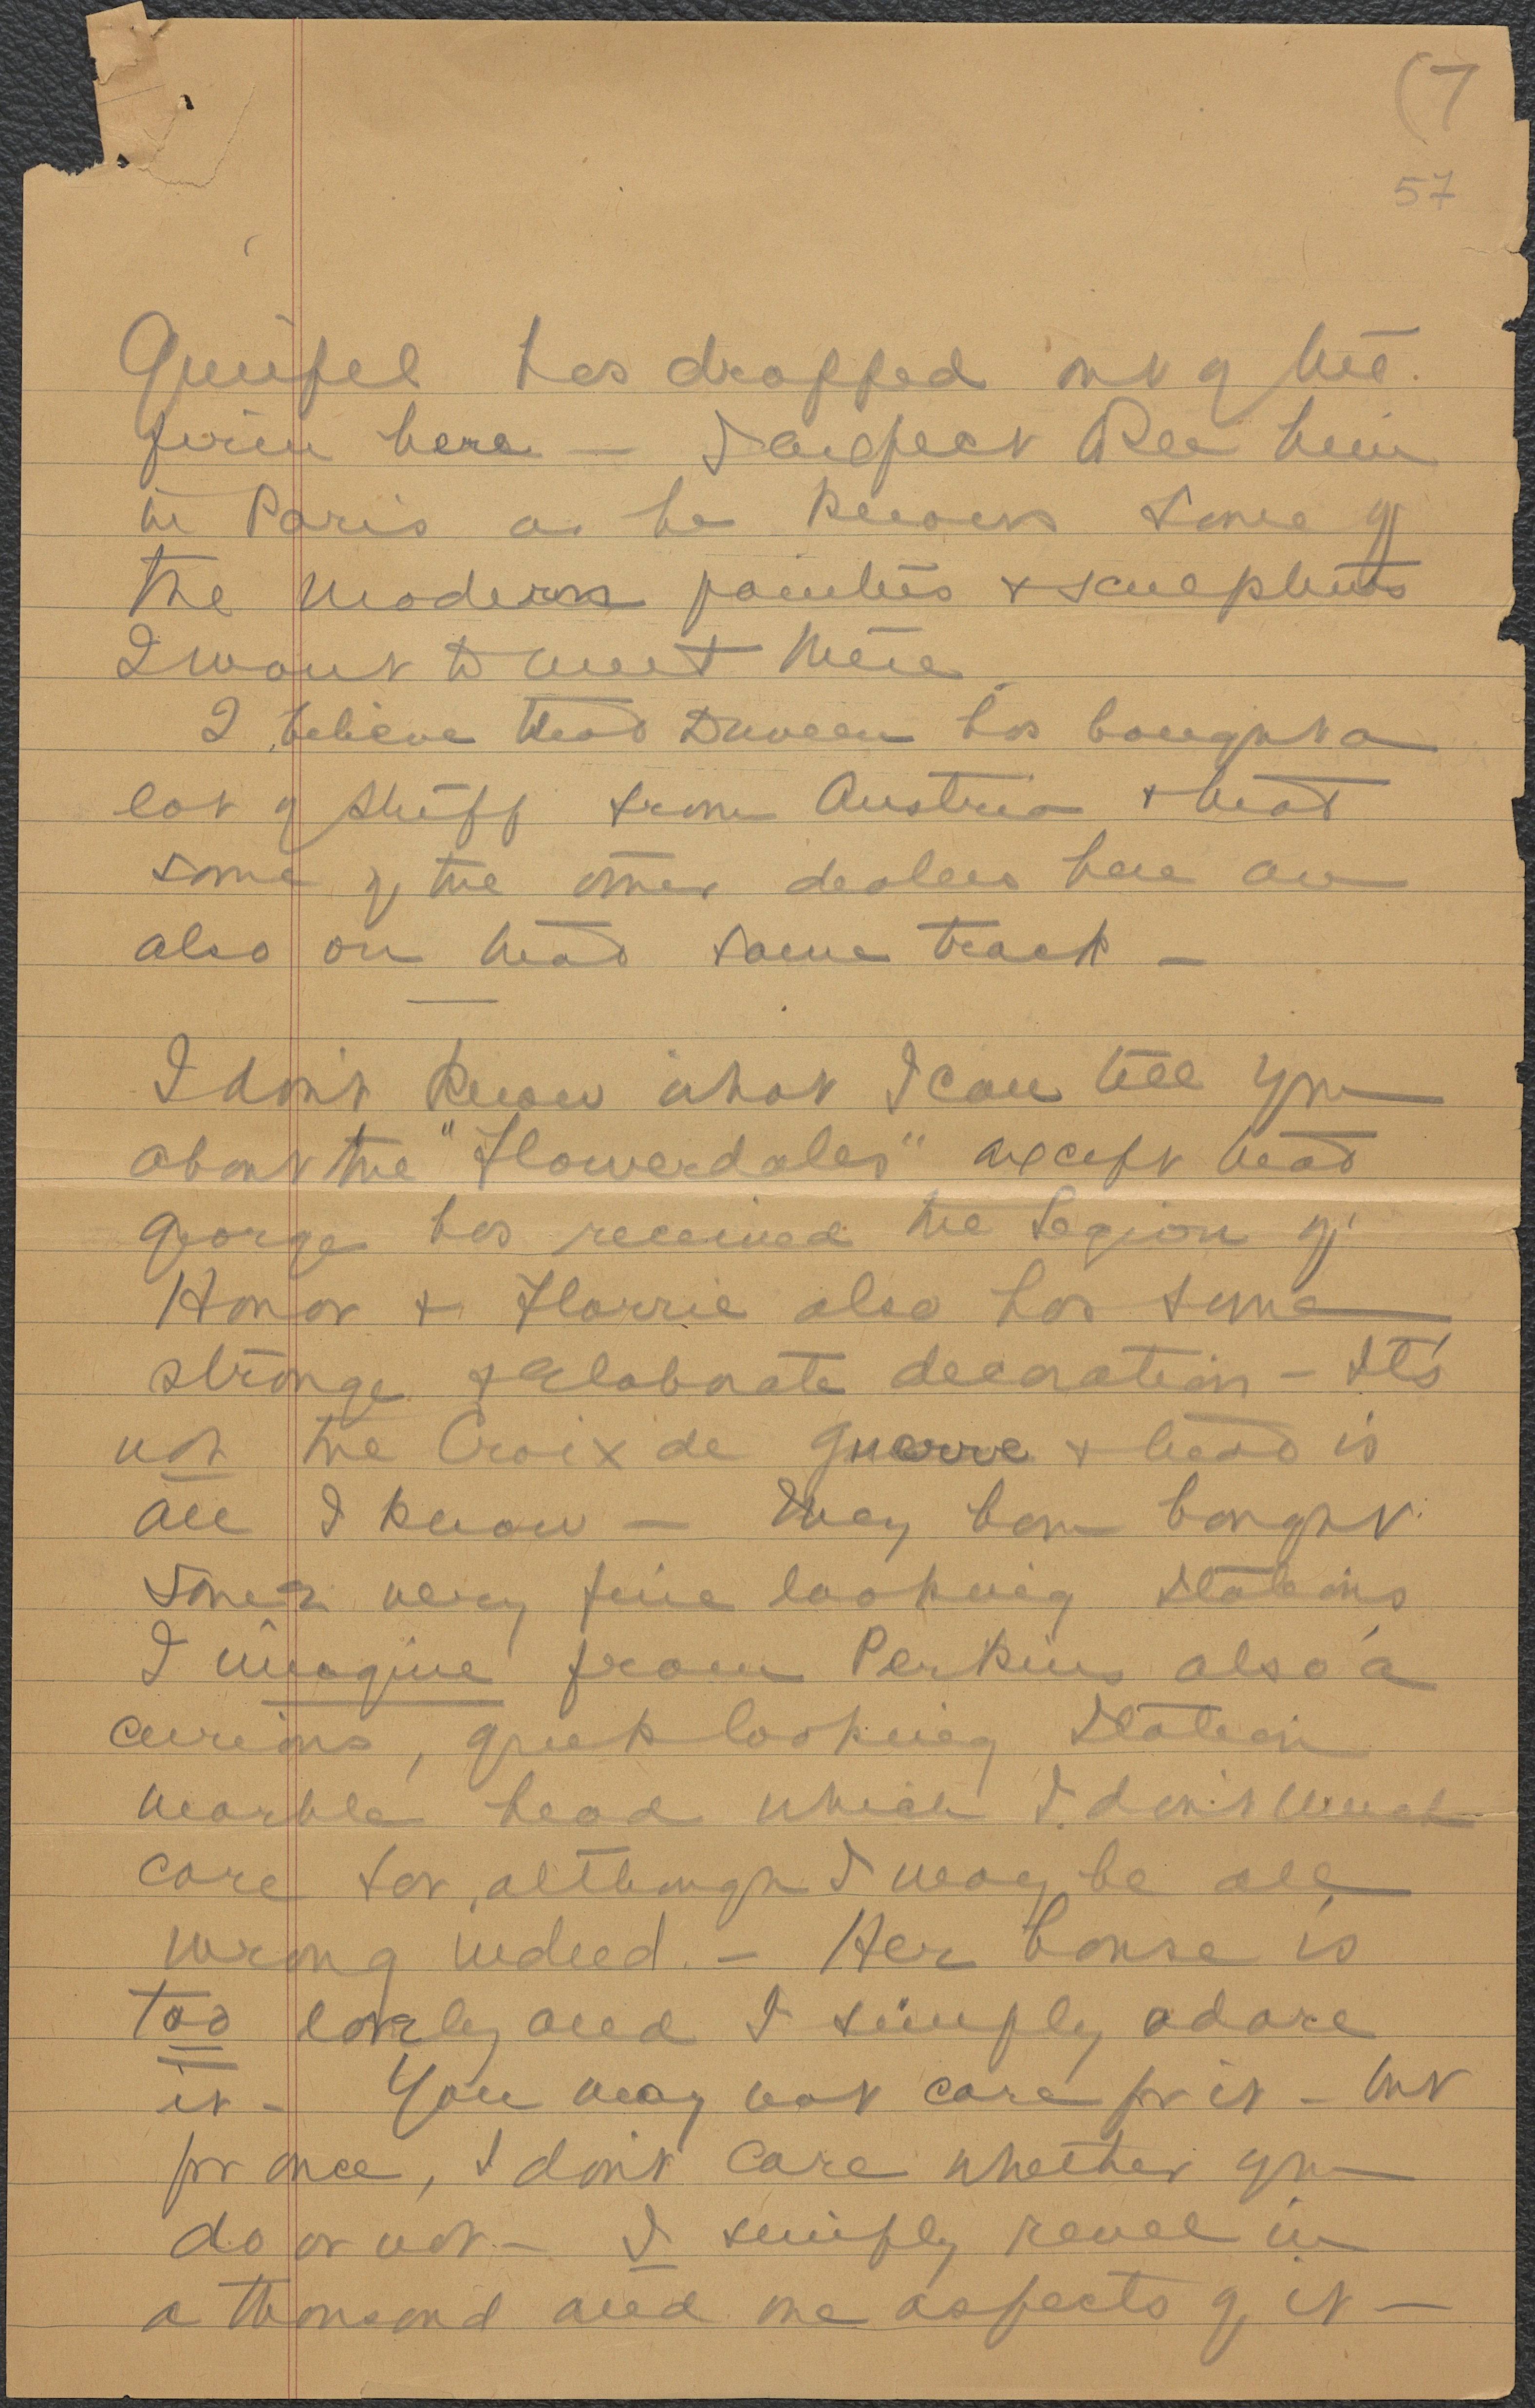Gimpel has dropped out of the firm here – I expect to see him in Paris as he knows some of the modern painters & sculptures [sic] I want to meet there.
I believe that Duveen has bought a lot of stuff from Austria & that some of the other dealers here are also on that same track –
I don't know what I can tell you about the "Flowerdales" except that George has received the Legion of Honor & Florrie also has some strange & elaborate decoration – It's not Croix de Guerre & that is all I know – They have bought some very fine looking Italians I imagine from Perkins also a curious, Greek looking Italian marble head which I don't much care for, although I may be all wrong indeed – Her house is [underlined twice: too] lovely and I simply adore it – You may not care for it – but for once, I don't care whether you do or not – I simply revel in a thousand and one aspects of it –